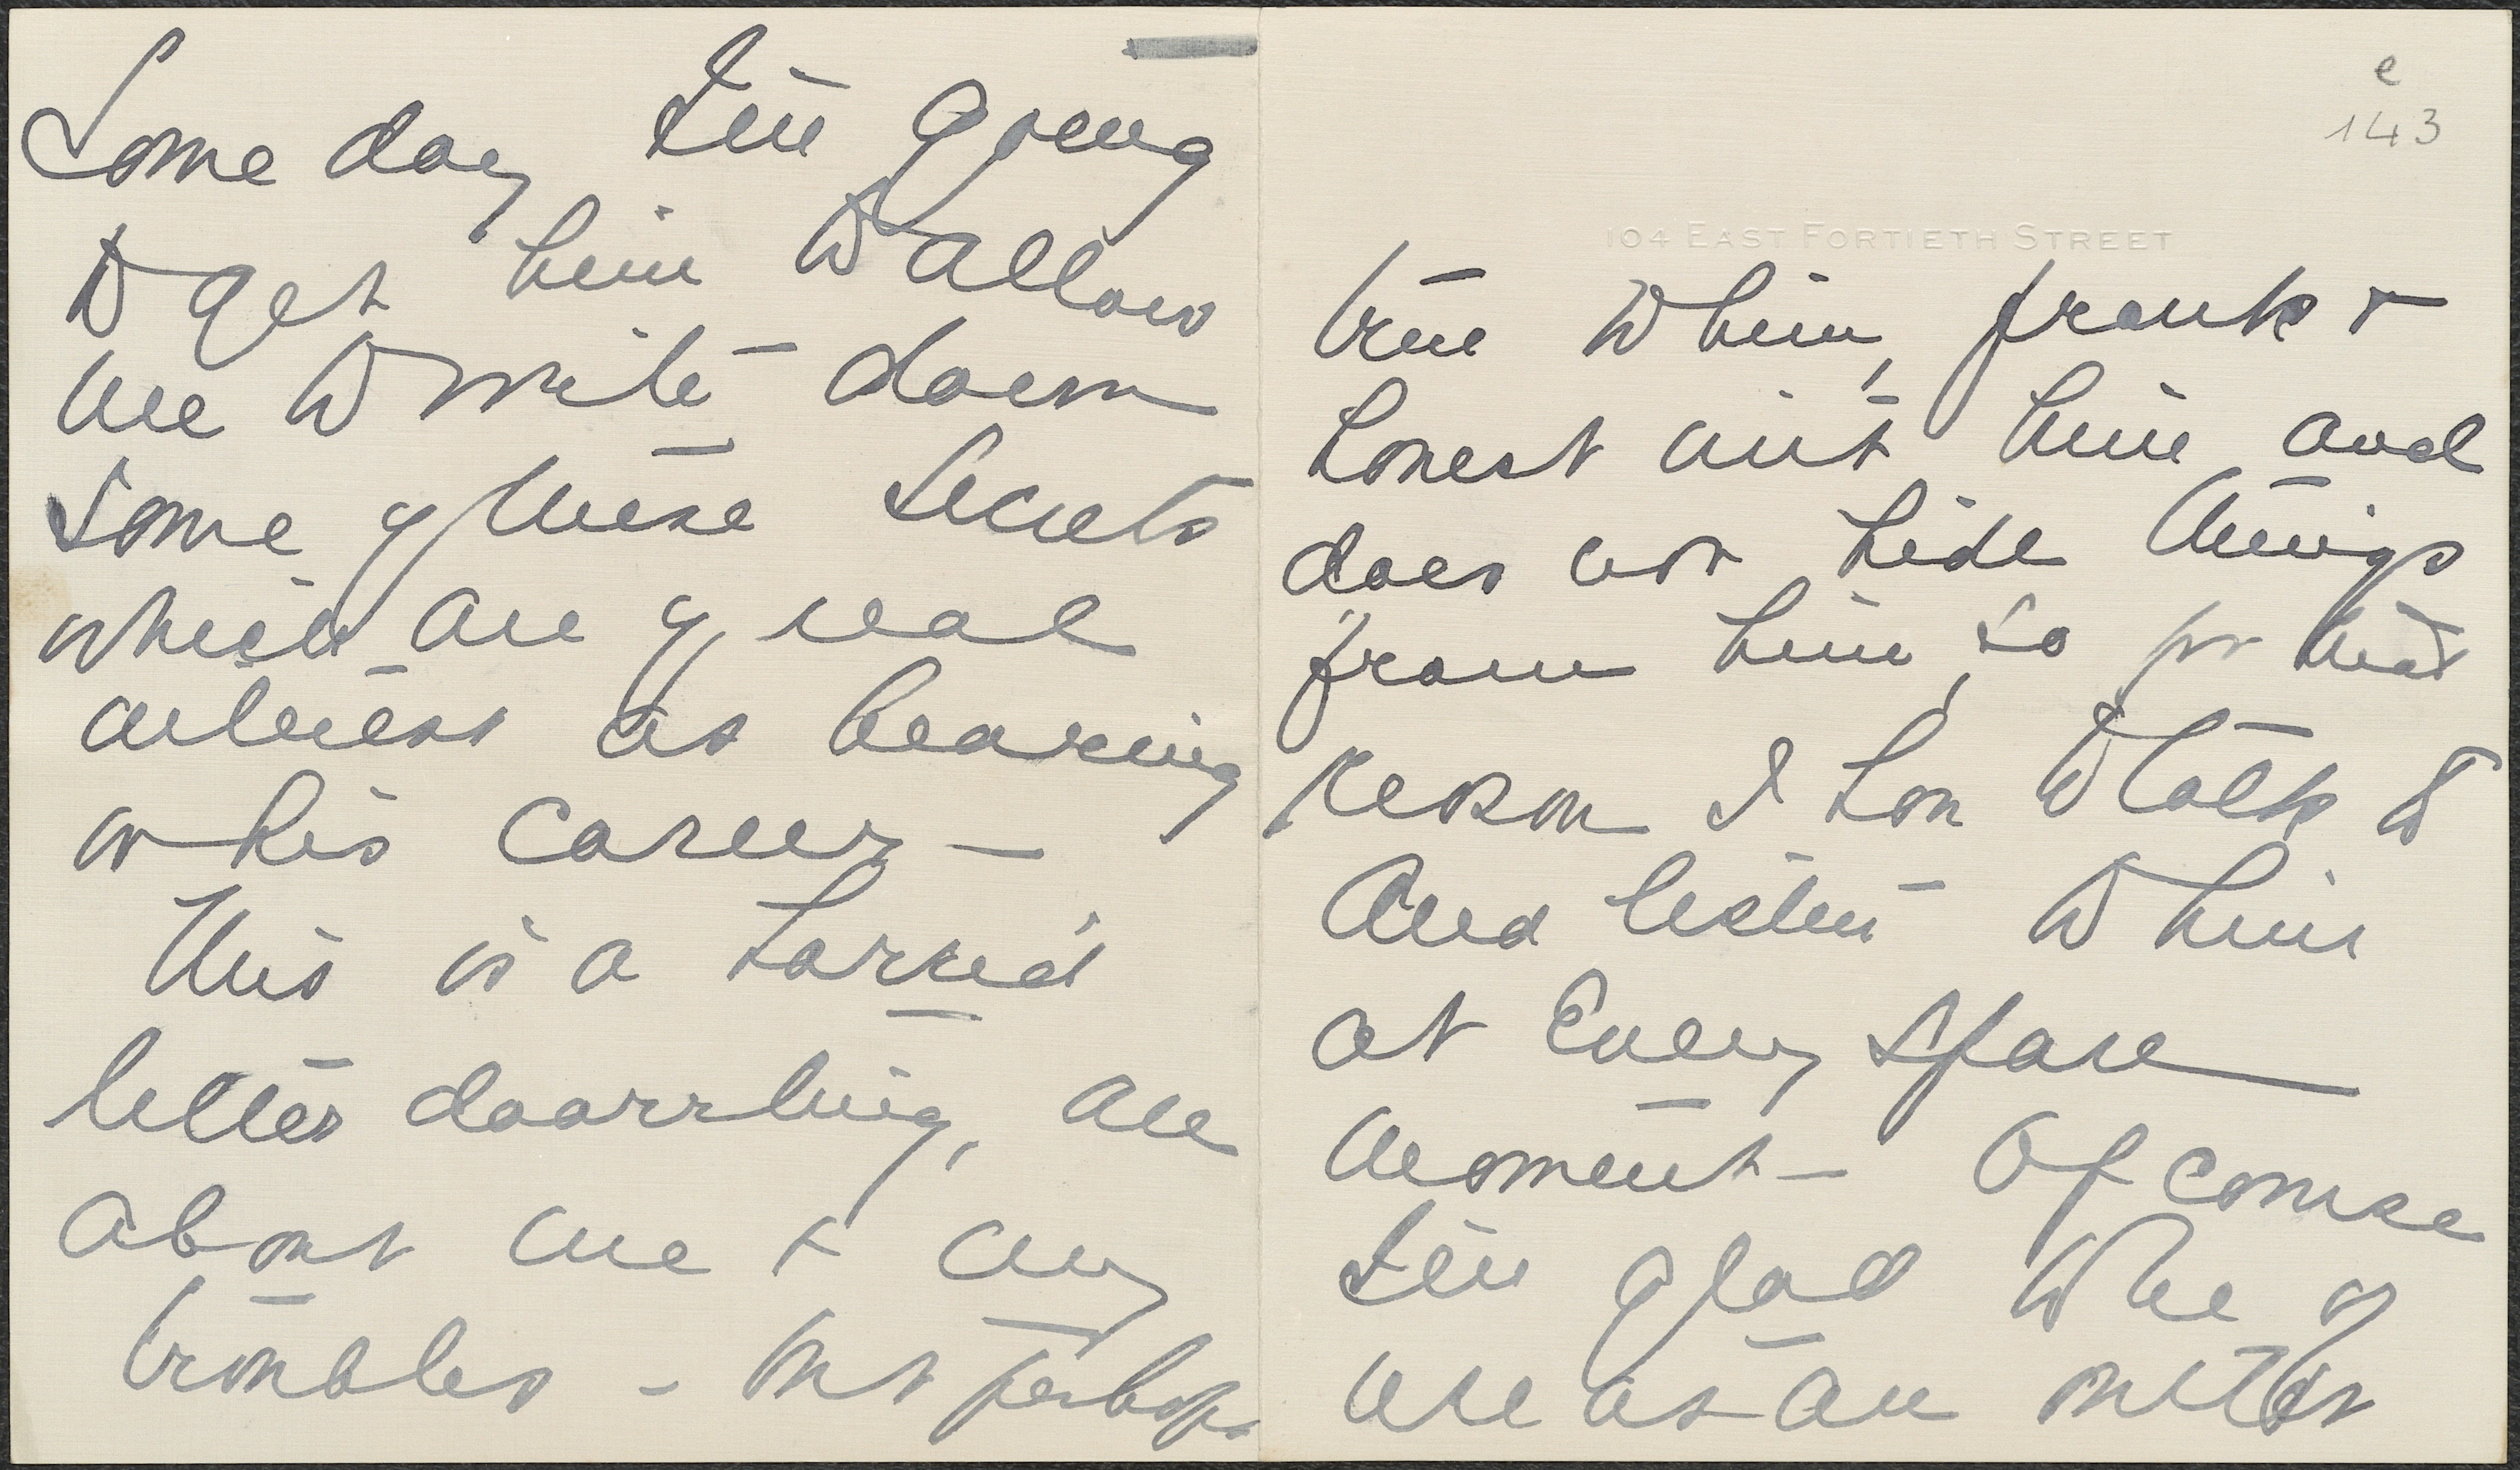true to him, frank & honest with him and does not hide things from him so for that reason I have to talk to and listen to him at every spare moment – of course I’m glad to be of use as an another
Some day I’m going to get him to allow me to write down some of these secrets which are of real interest as bearing on his career –
This is a horrid letter daarrling, all about me & my troubles – but perhaps